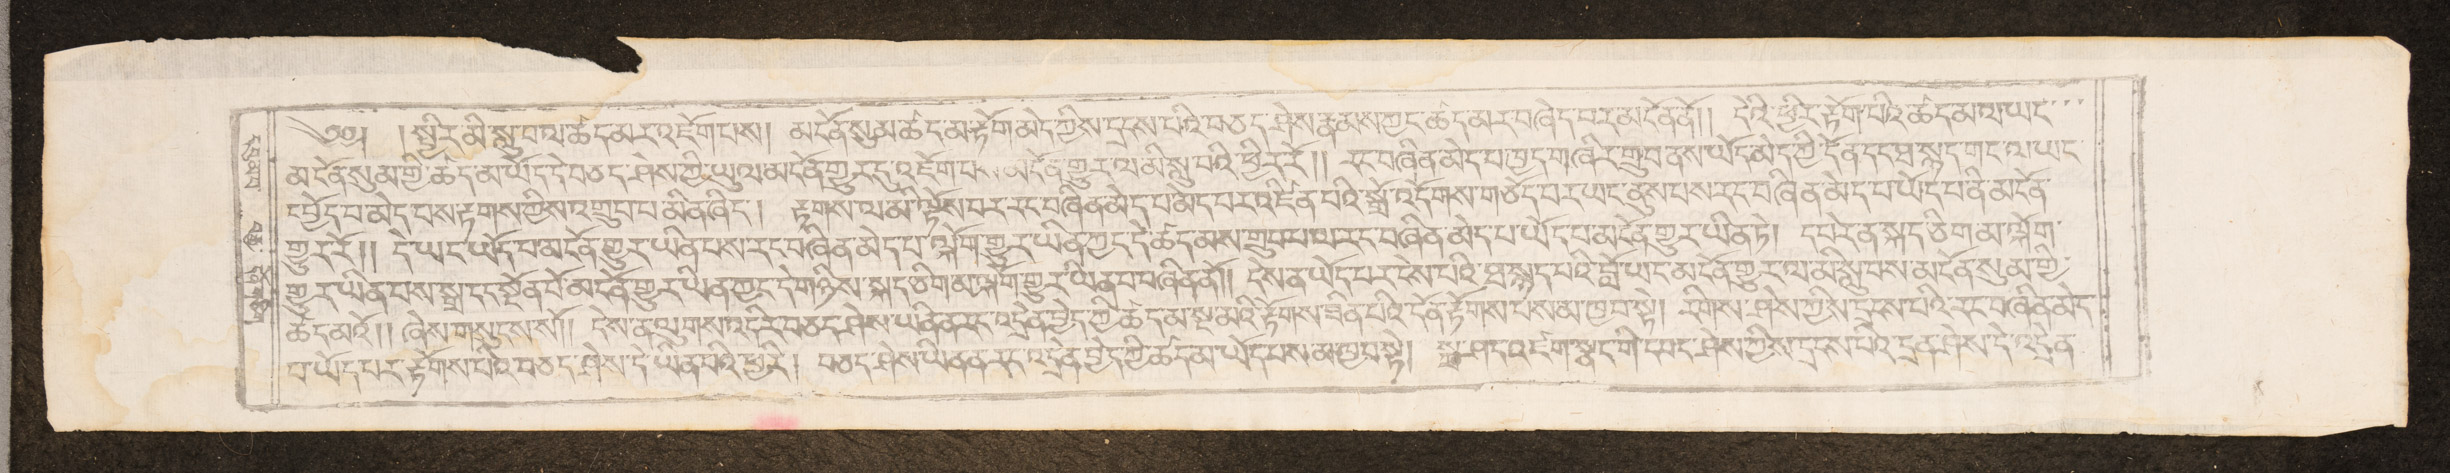༄༅། །སྤྱིར་མི་སླུ་བ་ལ་ཚད་མར་འཇོག་པས། མངོན་སུམ་ཚད་མ་རྟོག་མེད་ཀྱིས་དྲངས་པའི་བཅད་ཤེས་རྣམས་ཀྱང་ཚད་མར་བཞེད་པར་མངོན་ནོ།། དེའི་ཕྱིར་རྟོག་པའི་ཚད་མ་ལ་ཡང་
མངོན་སུམ་གྱི་ཚད་མ་ཡོད་དེ་བཅད་ཤེས་ཀྱི་ཡུལ་མངོན་གྱུར་དུ་འཇོག་པས་མངོན་གྱུར་ལ་མི་སླུ་བའི་ཕྱིར་རོ། །རང་བཞིན་མེད་པ་ཁྱད་གཞིར་གྲུབ་ནས་ཡོད་མེད་ཀྱི་དོན་དང་ཐ་སྙད་གང་ལ་ཡང་
དཔྱོད་པ་མེད་པས་རྟགས་ཀྱིས་འགྲུབ་པ་མིན་ཞིང་། རྟགས་ལ་མི་ལྟོས་པར་རང་བཞིན་མེད་པ་མེད་པར་འཛིན་པའི་སྒྲོ་འདོགས་གཅོད་པར་ཡང་ནུས་པས་རང་བཞིན་མེད་པ་ཡོད་པ་ནི་མངོན་
གྱུར་རོ། །དེ་ཡང་ཡོད་པ་མངོན་གྱུར་ཡིན་པས་རང་བཞིན་མེད་པ་ལྐོག་གྱུར་ཡིན་ཀྱང་དེ་ཚད་མས་གྲུབ་པ་ལ་རང་བཞིན་མེད་པ་ཡོད་པ་མངོན་གྱུར་ཡིན་ཏེ། དཔེར་ན་སྐད་ཅིག་མ་ལྐོག་
གྱུར་ཡིན་པས་སྒྲ་དང་སྔོན་པོ་མངོན་གྱུར་ཡིན་ཀྱང་དེ་གཉིས་སྐད་ཅིག་མ་ལྐོག་གྱུར་ཡིན་པ་བཞིན་ནོ། །དེས་ན་ཡོད་པར་ངེས་པའི་ཐ་སྙད་པའི་བློ་ཡང་མངོན་གྱུར་ལ་མི་སླུ་བས་མངོན་སུམ་གྱི་
ཚད་མའོ། །ཞེས་གསུངས་སོ།། དེས་ན་ལུགས་འདིར་བཅད་ཤེས་ཡིན་ན་རང་འདྲེན་བྱེད་ཀྱི་ཚད་མ་སྔ་མའི་རྟོགས་ཟིན་པའི་དོན་རྟོགས་པས་མ་ཁྱབ་སྟེ། རིགས་ཤེས་ཀྱིས་དྲངས་པའི་རང་བཞིན་མེད་
པ་ཡོད་པར་རྟོགས་པའི་བཅད་ཤེས་དེ་ཡིན་པའི་ཕྱིར། བཅད་ཤེས་ཡིན་ན་རང་འདྲེན་བྱེད་ཀྱི་ཚད་མ་ཡོད་པས་མ་ཁྱབ་སྟེ། སྐྲ་ཤད་འཛག་སྣང་གི་དབང་ཤེས་ཀྱིས་དྲངས་པའི་དྲན་ཤེས་དེ་འདྲེན་